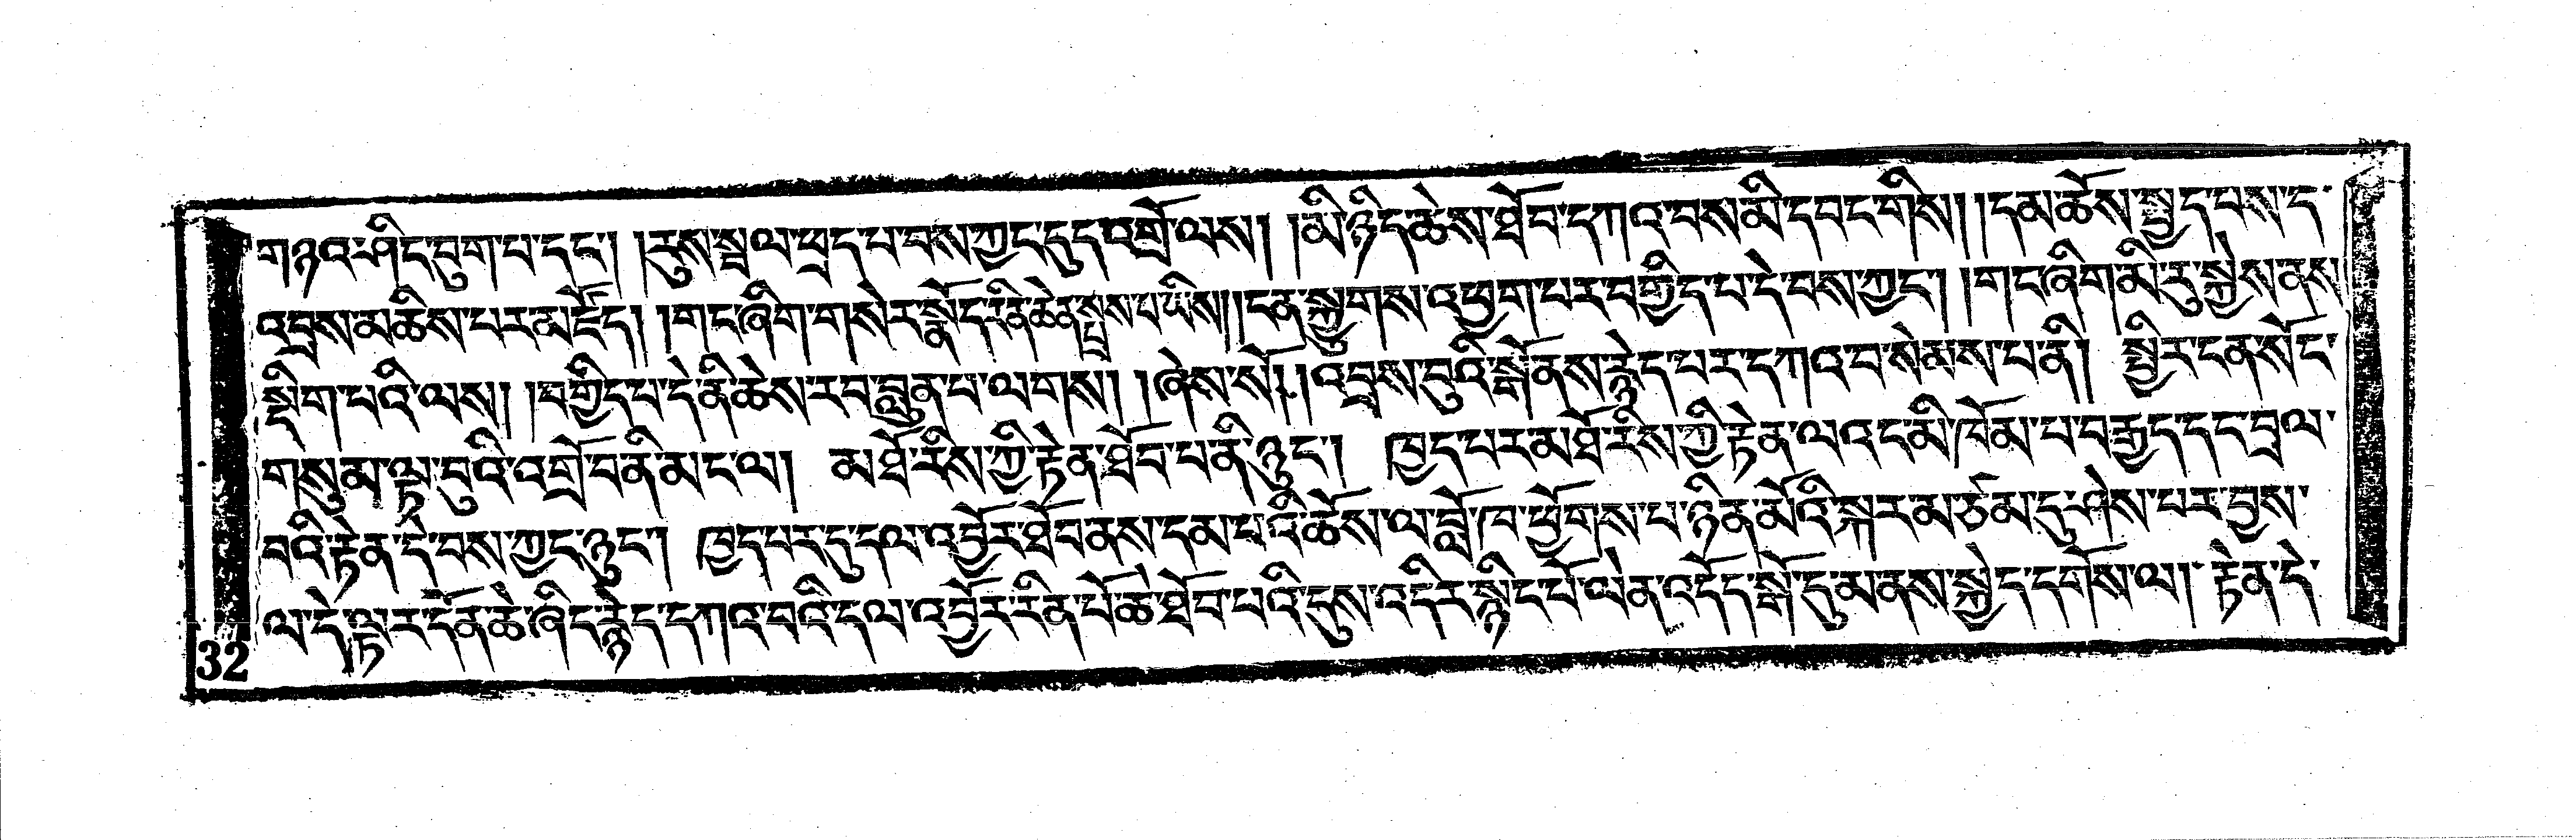གཉའ་ཤིང་བུག་པ་དང་། །རུས་སྦལ་ཕྲད་པ་བས་ཀྱང་དུད་འགྲོ་ལས། །མི་ཉིད་ཆེས་ཐོབ་དཀའ་བས་མི་དབང་གིས། །དམ་ཆོས་སྤྱད་པས་ད་
འབྲས་མཆིས་པར་མཛོད། །གང་ཞིག་གསེར་སྣོད་རིན་ཆེན་སྤྲས་པ་ཡིས། །ངན་སྐྱུགས་འཕྱག་པར་བགྱིད་པ་དེ་བས་ཀྱང་། །གང་ཞིག་མི་རུ་སྐྱེས་ནས་
སྡིག་པའི་ལས། །བགྱིད་པ་དེ་ནི་ཆེས་རབ་བླུན་པ་ལགས། །ཞེས་སོ། །འབྲས་བུའི་སྒོ་ནས་རྙེད་པར་དཀའ་བ་མེད་པ་ནི། སྤྱིར་ངན་སོང་
གསུམ་ལྟ་བུའི་འགྲོ་བ་ནི་མང་ལ། མཐོ་རིས་ཀྱི་རྟེན་ཐོབ་པ་ནི་ཉུང་། ཁྱད་པར་མཐོ་རིས་ཀྱི་རྟེན་ལའང་མི་ཁོམ་པ་བརྒྱད་དང་བྲལ་
བའི་རྟེན་དེ་བས་ཀྱང་ཉུང་། ཁྱད་པར་དུ་དལ་འབྱོར་ཐོབ་ནས་དམ་པའི་ཆོས་ལ་བློ་ཁ་ཕྱོགས་པ་ཉིན་མོའི་སྐར་མ་ཙམ་དུ་ཤེས་པར་བྱས་
ལ་དེ་ལྟར་དོན་ཆེ་ཞིང་རྙེད་དཀའ་བའི་དལ་འབྱོར་རིན་པོ་ཆེ་ཐོབ་པའི་དུས་འདིར་སྙིང་པོ་ལེན་འདོད་སྒོ་དུ་མ་ནས་སྐྱེད་དགོས་ལ། རྟེན་དེ་